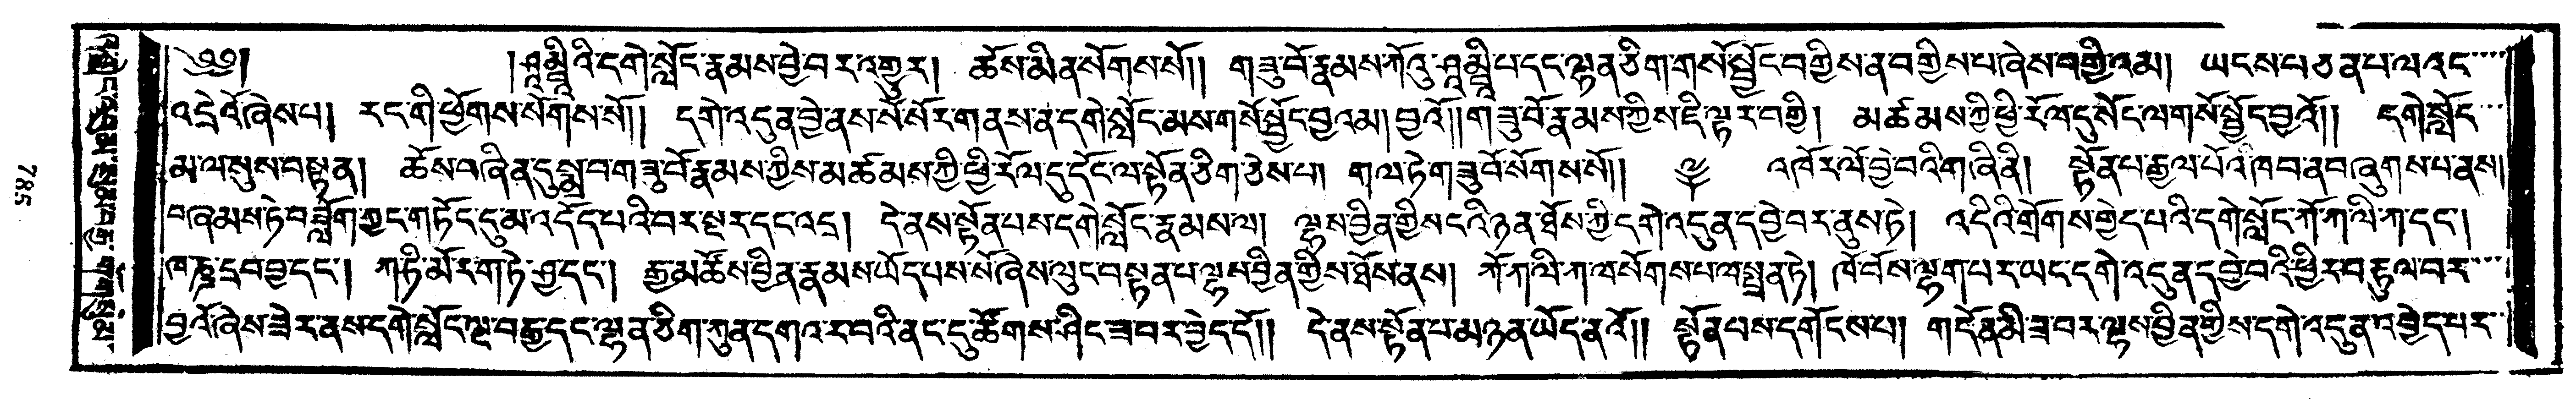༄༅། །ཤཱམྦཱིའི་དགེ་སློང་རྣམས་བྱེ་བར་འགྱུར། ཆོས་མིན་སོགས་སོ།། གཟུ་བོ་རྣམས་ཀོའུ་ཤཱམྦཱི་པ་དང་ལྷན་ཅིག་གསོ་སྦྱོང་བགྱིས་ན་བགྱིས་ན་བགྱིས་པ་ཞེས་བགྱི་འམ། ཡངས་པ་ཅན་པ་ལའང་
འདྲེའོ་ཞེས་པ། རང་གི་ཕྱོགས་སོགས་སོ།། དགེ་འདུན་བྱེ་ནས་སོ་སོར་གནས་ན་དགེ་སློང་མས་གསོ་སྦྱོང་བྱའམ། བྱའོ།། གཟུ་བོ་རྣམས་ཀྱིས་ཇི་ལྟར་བགྱི། མཚམས་ཀྱི་ཕྱི་རོལ་དུ་སོང་ལ་གསོ་སྦྱོང་བྱའོ།། དགེ་སློང་
མ་ལ་སུས་བསྟན། ཆོས་བཞིན་དུ་སྨྲ་པ་གཟུ་བོ་རྣམས་ཀྱིས་མཚམས་ཀྱི་ཕྱི་རོལ་དུ་དོང་ལ་སྟོན་ཅིག་ཅེས་པ། གལ་ཏེ་གཟུ་བོ་སོགས་སོ།། ༈ འཁོར་ལོ་བྱེ་བའི་གཞི་ནི། སྟོན་པ་རྒྱལ་པོའི་ཁབ་ན་བཞུགས་པ་ནས།
བཞམས་ཏེ་བཟློག་ཀྱང་གཏོང་དུ་མ་འདོད་པའི་བར་སྔར་དང་འདྲ། དེ་ནས་སྟོན་པས་དགེ་སློང་རྣམས་ལ། ལྷས་བྱིན་གྱིས་ངའི་ཉན་ཐོས་ཀྱི་དགེ་འདུན་དབྱེ་བར་ནུས་ཏེ། འདིའི་གྲོགས་གྱེད་པའི་དགེ་སློང་ཀོ་ཀ་ལི་ཀ་དང་།
ཁཎྜ་དྲ་བ་བྱ་དང་། ཀ་ཏི་མོ་རག་ཏེ་ཤྱ་དང་། རྒྱ་མཚོས་བྱིན་རྣམས་ཡོད་པས་སོ་ཞེས་ལུང་བསྟན་པ་ལྷས་བྱིན་གྱིས་ཐོས་ནས། ཀོ་ཀ་ལི་ཀ་ལ་སོགས་པ་ལ་སྤྲན་ཏེ། ཁོ་བོས་ལྷག་པར་ཡང་དགེ་འདུན་དབྱེ་བའི་ཕྱིར་བརྟུལ་བར་
བྱའོ་ཞེས་ཟེར་ནས་དགེ་སློང་ལྔ་བརྒྱ་དང་ལྷན་ཅིག་ཀུན་དགའ་ར་བའི་ནང་དུ་ཚོགས་ཤིང་ཟ་བར་བྱེད་དོ།། དེ་ནས་སྟོན་པ་མཉན་ཡོད་ན་འོ།། སྟོན་པས་དགོངས་པ། གདོན་མི་ཟ་བར་ལྷས་བྱིན་གྱིས་དགེ་འདུན་འབྱེད་པར་